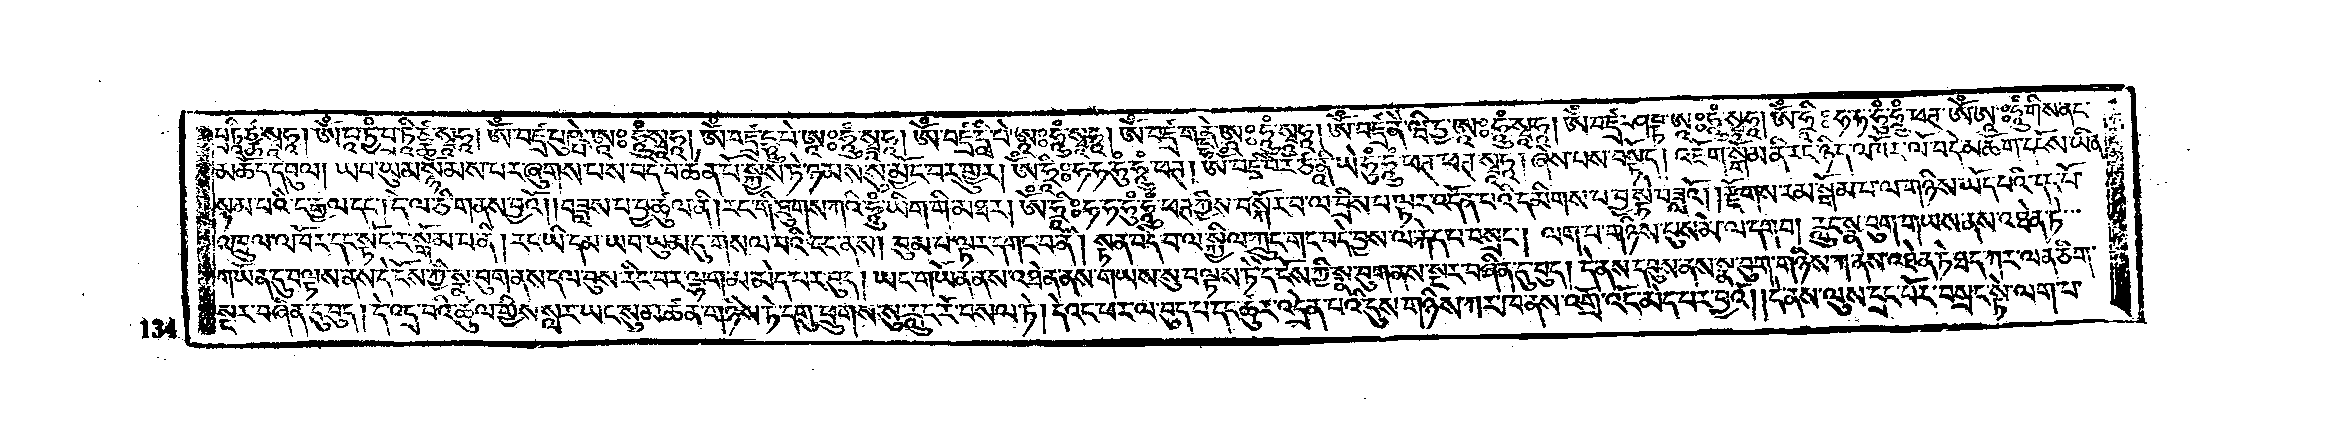པྲཏཱི་ཙྪ་སྭཱཧཱ། ཨོཾ་པཱ་དྱཾ་པྲ་ཏཱི་ཙྪ་སྭཱཧཱ། ཨོཾ་བཛྲ་པུཥྤེ་ཨཱཿ ཧཱུཾ་སྭཱཧཱ། ཨོཾ་བཛྲ་དྷཱུ་པེ་ཨཱཿ ཧཱུཾ་སྭཱཧཱ། ཨོཾ་བཛྲ་དཱི་པེ་ཨཱཿ ཧཱུཾ་སྭཱཧཱ། ཨོཾ་བཛྲ་གནྡྷེ་ཨཱཿ ཧཱུཾ་སྭཱཧཱ། ཨོཾ་བཛྲ་ནཻ་ཝི་དྱ་ཨཱཿ ཧཱུཾ་སྭཱཧཱ། ཨོཾ་བཛྲ་ཤཔྟ་ཨཱཿ ཧཱུཾ་སྭཱཧཱ། ཨོཾ་ཧྲཱིཿ ཧ་ཧ་ཧུཾ་ཧཱུཾ་ཕཊ་ཨོཾ་ཨཱཿ ཧཱུཾ་གིས་ནང་
མཆོད་དབུལ། ཡབ་ཡུམ་སྙོམས་པར་ཞུགས་པས་བདེ་བ་ཆེན་པོ་སྐྱེས་ཏེ་ཉམས་སུ་མྱོང་བར་གྱུར། ཨོཾ་ཧྲཱིཿ ཧ་ཧ་ཧུཾ་ཧཱུཾ་ཕཊ། ཨོཾ་བཛྲ་བཻ་རོ་ཙ་ནཱི་ཡེ་ཧུཾ་ཧཱུཾ་ཕཊ་ཕཊ་སྭཱཧཱ། ཞེས་པས་བསྟོད། འཇོག་སྒོམ་ནི་རང་ཉིད་འཁོར་ལོ་བདེ་མཆོག་དངོས་ཡིན་
སྙམ་པའི་ང་རྒྱལ་དང་། དེ་ལ་ཅི་གནས་བྱའོ། །བཟླས་པ་བྱ་ཚུལ་ནི། རང་གི་ཐུགས་ཀའི་ཧཱུཾ་ཡིག་གི་མཐར། ཨོཾ་ཧྲཱིཿ ཧ་ཧ་ཧཱུཾ་ཧཱུཾ་ཕཊ་ཀྱིས་བསྐོར་བ་ལ་བྲིས་པ་ལྟར་འདོན་པའི་དམིགས་པ་བྱ་སྟེ་བཟླའོ། །རྫོགས་རིམ་སྒོམ་པ་ལ་གཉིས་ཡོད་པའི་དང་པོ་
འཁྲུལ་འཁོར་དང་སྟོང་ར་སྒོམ་པ་ནི། རང་ཡི་དམ་ཡབ་ཡུམ་དུ་གསལ་བའི་ངང་ནས། བུམ་པ་ལྟར་དགང་བ་ནི། སྟན་བདེ་བ་ལ་སྐྱིལ་ཀྲུང་གང་བདེ་བྱས་ལ་རྐེད་པ་བསྲང་། ལག་པ་གཉིས་པུས་མེ་ལ་དགབ། རླུང་སྣ་བུག་གཡས་ནས་འཐེན་ཏེ་
གཡོན་དུ་བལྟས་ནས་དེ་ངོས་ཀྱི་སྣ་བུག་ནས་དལ་བུས་རིང་བར་ལྷག་མ་མེད་པར་བུད། ཡང་གཡོན་ནས་འཐེན་ནས་གཡས་སུ་བལྟས་ཏེ་དེ་ངོས་ཀྱི་སྣ་བུག་ནས་སྔར་བཞིན་དུ་བུད། དེ་ནས་དབུས་ནས་སྣ་བུག་གཉིས་ཀ་ནས་འཐེན་ཏེ་ཐད་ཀར་ལན་ཅིག་
སྔར་བཞིན་དུ་བུད། དེ་འདྲ་བའི་ཚུལ་གྱིས་སླར་ཡང་སུམ་ཚན་གཉིས་ཏེ་དགུ་ཕྲུགས་སུ་རླུང་རོ་བསལ་ཏེ། དེའང་ཕར་ལ་བུད་པ་དང་ཚུར་འདྲེན་པའི་དུས་གཉིས་ཀར་ཁ་ནས་འགྲོ་འོང་མེད་པར་བྱའོ། །དེ་ནས་ལུས་དྲང་པོར་བསྲང་སྟེ་ལག་པ་